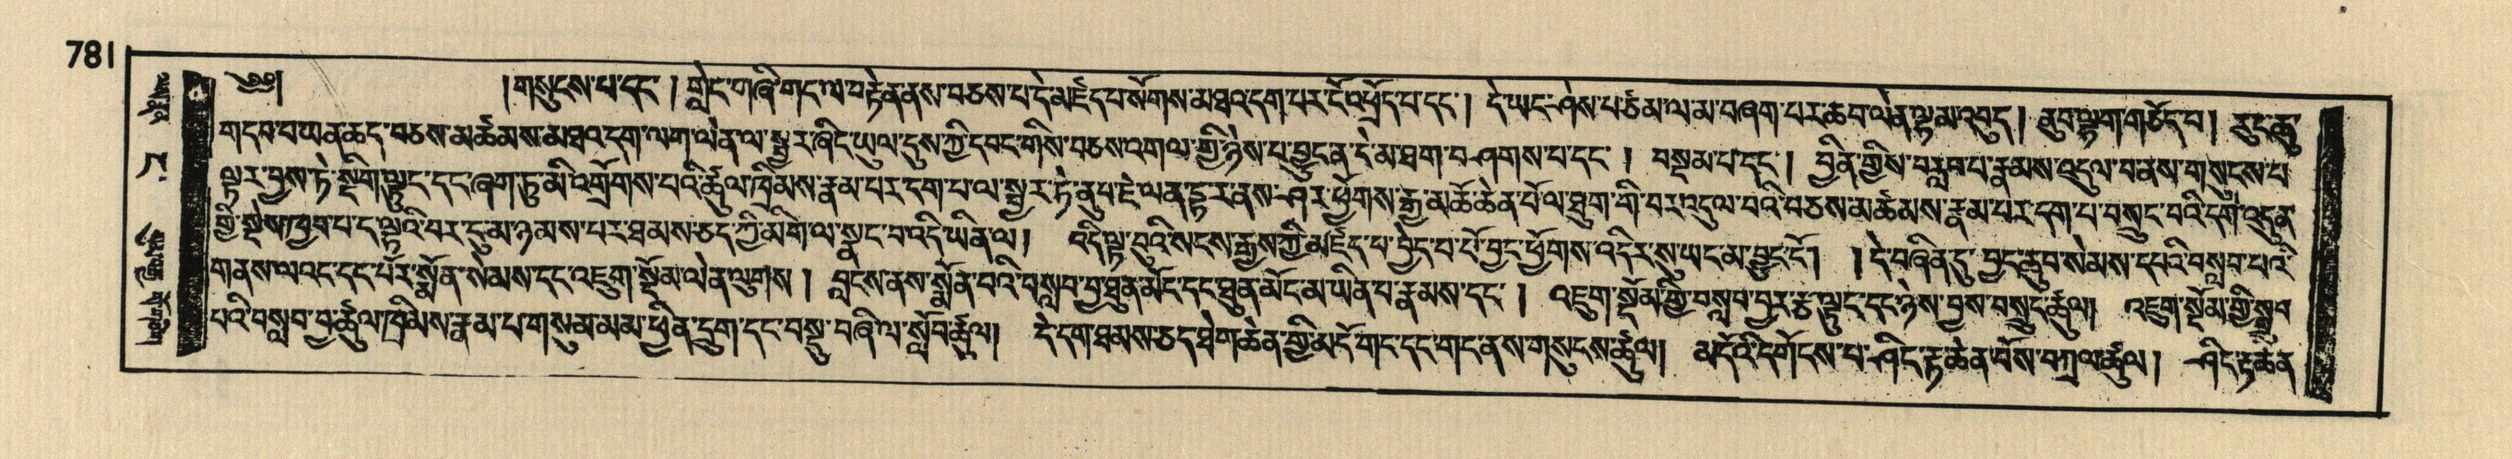༄༅། །གསུངས་པ་དང་། གླེང་གཞི་གང་ལ་བརྟེན་ནས་བཅས་པ་དེ་མཛད་པ་སོགས་མཐའ་དག་པར་ངོ་འཕྲོད་པ་དང་། དེ་ཡང་ཤེས་པ་ཙམ་ལ་མ་བཞག་པར་ཆབ་ལེན་ལྷམ་འབུད། ནུབ་ལྷག་གཅོད་པ། རུང་ཆུ་
གདབ་བ་ཡན་ཆད་བཅས་མཚམས་མཐའ་ད་ལག་ལེན་ལ་སྦྱར་ཞིང་ཡུལ་དུས་ཀྱི་དབང་གིས་བཅས་འགལ་གྱི་ཉེས་པ་བྱུང་ན་དེ་མ་ཐག་བཤགས་པ་དང་། བསྔམ་པ་དང་། བྱིན་གྱིས་བརླབ་པ་རྣམས་འདུལ་བ་ནས་གསུངས་པ་
ལྟར་བྱས་ཏེ་སྡིག་ལྟུང་དང་ཞག་ཏུ་མི་འགྲོགས་པའི་ཚུལ་ཁྲིམས་རྣམ་པར་དག་པ་ལ་སྦྱར་ཏེ་ནུབ་ཇེ་ལན་དྷ་ར་ནས་ཤར་ཕྱོགས་རྒྱ་མཆོ་ཆེན་པོ་ལ་ཐུག་གི་བར་འདུལ་བའི་བཅས་མཚམས་རྣམ་པར་དག་པ་བསྲུང་བའི་དགེ་འདུན་
གྱི་སྡེས་ཁྱབ་པ་ད་ལྷའི་བར་དུ་མ་ཉམས་པར་ཐམས་ཅད་ཀྱི་མིག་ལ་སྣང་བ་འདི་ཡིན་ལ། འདི་ལྟ་བུའི་སངས་རྒྱས་ཀྱི་མཛད་པ་བྱེད་པ་པོ་བྱང་ཕྱོགས་འདིར་སུ་ཡང་མ་བྱུང་ངོ། །དེ་བཞིན་དུ་བྱང་ཆུབ་སེམས་དཔའི་བསླབ་པའི་
གནས་ལའང་དང་པོར་སྨོན་སེམས་དང་འཇུག་སྡོམ་ལེན་ལུགས། བླངས་ནས་སྨོན་བའི་བསླབ་བྱ་ཐུན་མོང་དང་ཐུན་མོང་མ་ཡིན་པ་རྣམས་དང་། འཇུག་སྡོམ་གྱི་བསླབ་བྱར་རྩ་ལྟུང་དང་ཉེས་བྱས་བསྲུང་ཚུལ། འཇུག་སྡོམ་གྱི་སྒྲུབ་
པའི་བསླབ་བྱ་ཚུལ་ཁྲིམས་རྣམ་པ་གསུམ་མམ་ཕྱིན་དྲུག་དང་བསྡུ་བཞི་ལ་སློབ་ཚུལ། དེ་དག་ཐམས་ཅད་ཐེག་ཆེན་གྱི་མདོ་གང་དང་གང་ནས་གསུངས་ཚུལ། མདོའི་དགོངས་པ་ཤིང་རྟ་ཆེན་བོས་བཀྲལ་ཚུལ། ཤིང་རྟ་ཆེན་